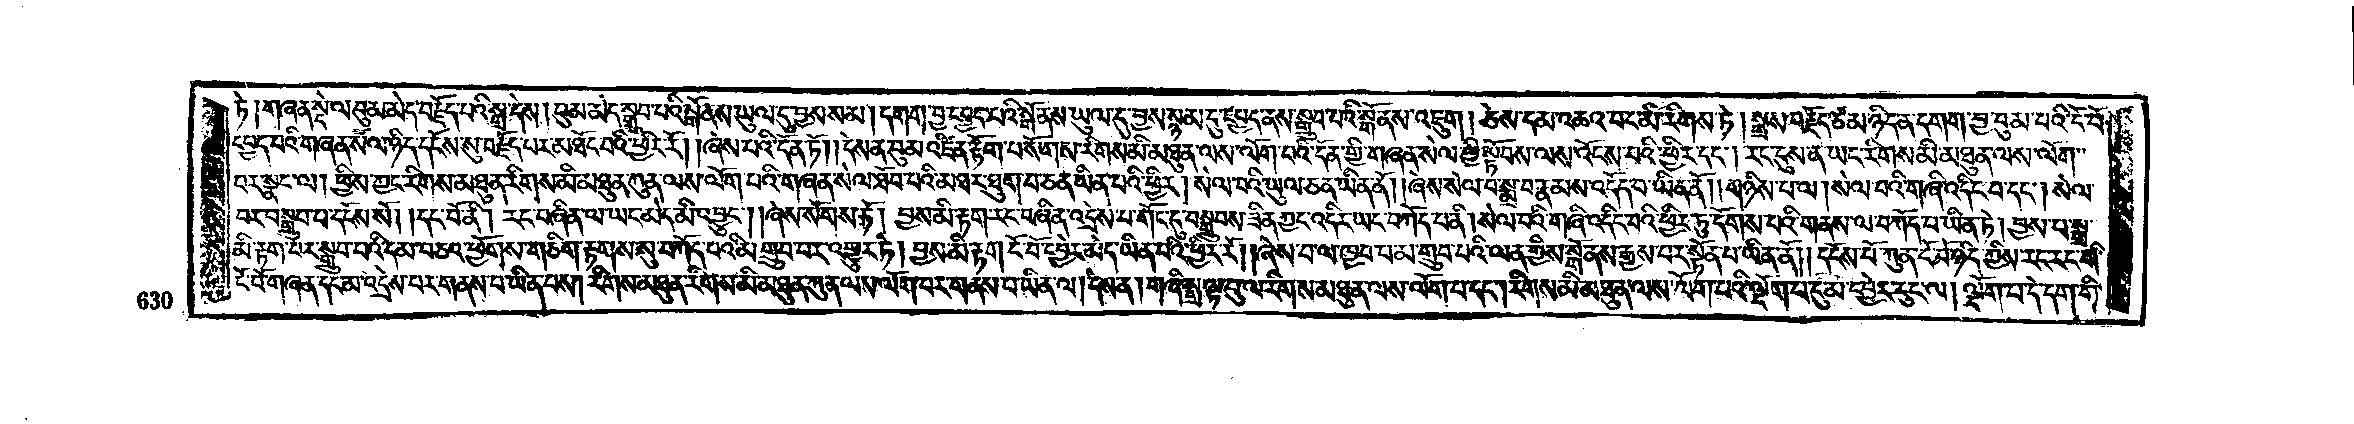ཏེ། གཞན་སྡེ་ལ་བུམ་མེད་བརྗོད་པའི་སྒྲ་དེས། བུམ་མེད་སྒྲུབ་པའི་སྒོ་ནས་ཡུལ་དུ་བྱས་སམ། དགག་བྱ་དཔྱད་པའི་སྒོ་ནས་ཡུལ་དུ་བྱས་སྙམ་དུ་དཔྱད་ནས་སྒྲུབ་པའི་སྒོ་ནས་འཇུག །ཅེས་དམ་འཆད་བར་མི་རིགས་ཏེ། སྒྲས་བརྗོད་ཙམ་ཉིད་ན་དགག་བྱ་བུམ་པའི་ངོ་བོ་
དབྱད་པའི་གཞན་ལ་ཉིད་དངོས་སུ་བརྗོད་པར་མཐོང་བའི་ཕྱིར་རོ། །ཞེས་པའི་དོན་ཏོ། །དེས་ན་བུམ་འཛིན་རྟོག་པ་སོགས་རིགས་མི་མཐུན་ལས་ལོག་པའི་དོན་གྱི་གཞན་སེལ་གྱི་སྟོབས་ལས་འོངས་པའི་ཕྱིར་དང་། རང་དུས་ན་ཡང་རིགས་མི་མཐུན་ལས་ལོག་
བར་སྣང་ལ། ཕྱིས་ཀྱང་རིགས་མཐུན་རིགས་མི་མཐུན་ཀུན་ལས་ལོག་པའི་གཞན་སེལ་ཐོབ་པའི་མཐར་ཐུག་པ་ཅན་ཡིན་པའི་ཕྱིར། སེལ་བའི་ཡུལ་ཅན་ཡིན་ནོ། །ཞེས་སོལ་བ་སྨྲ་བ་རྣམས་འདོད་པ་ཡིན་ནོ། །གཉིས་པ་ལ། སེལ་བའི་གཞི་འདིང་བ་དང་། སེལ་
བར་བསྒྲུབ་པ་དངོས་སོ། །དང་པོ་ནི། རང་བཞིན་ལ་ཡང་མེད་མི་འབྱུང་། །ཞེས་སོགས་ཏོ། བྱས་མི་རྟག་རང་བཞིན་འདྲེས་པ་གོང་དུ་བསྒྲུབས་ཟིན་ཀྱང་འདིར་ཡང་བཀོད་པ་ནི། སེལ་བའི་གཞི་འདིང་བའི་ཕྱིར་ཏུ་དོག་པའི་གནས་ལ་བཀོད་པ་ཡིན་ཏེ། བྱས་པ་སྒྲ་
མི་རྟག་པར་སྒྲུབ་པའི་དམ་བཅའ་ཕྱོགས་གཅིག་རྟགས་སུ་བཀོད་པའི་མ་གྲུབ་པར་འགྱུར་ཏེ། བྱས་མི་རྟག་ངོ་བོ་དབྱེར་མེད་ཡིན་པའི་ཕྱིར་རོ། །ཞེས་པ་ལ་ཁྱབ་པ་མ་གྲུབ་པའི་ལན་གྱིས་སྒོ་ནས་རྒྱས་པར་སྟོན་པ་ཡིན་ནོ། །དངོས་པོ་ཀུན་ངོ་བོ་ཉིད་ཀྱིས་རང་རང་གི་
ངོ་བོ་གཞན་དང་མ་འདྲེས་པ་གནས་པ་ཡིན་པས། རིགས་མཐུན་རིགས་མི་མཐུན་ཀུན་ལས་ལོག་པར་གནས་པ་ཡིན་ལ། དེས་ན། གཞི་སྒྲ་ལྟ་བུ་ལ་རིགས་མཐུན་ལས་ལོག་པ་དང་། རིགས་མི་མཐུན་ལས་ལོག་པ་དུ་མ་དབྱེར་རུང་ལ། ལྡོག་པ་དེ་དག་གི་